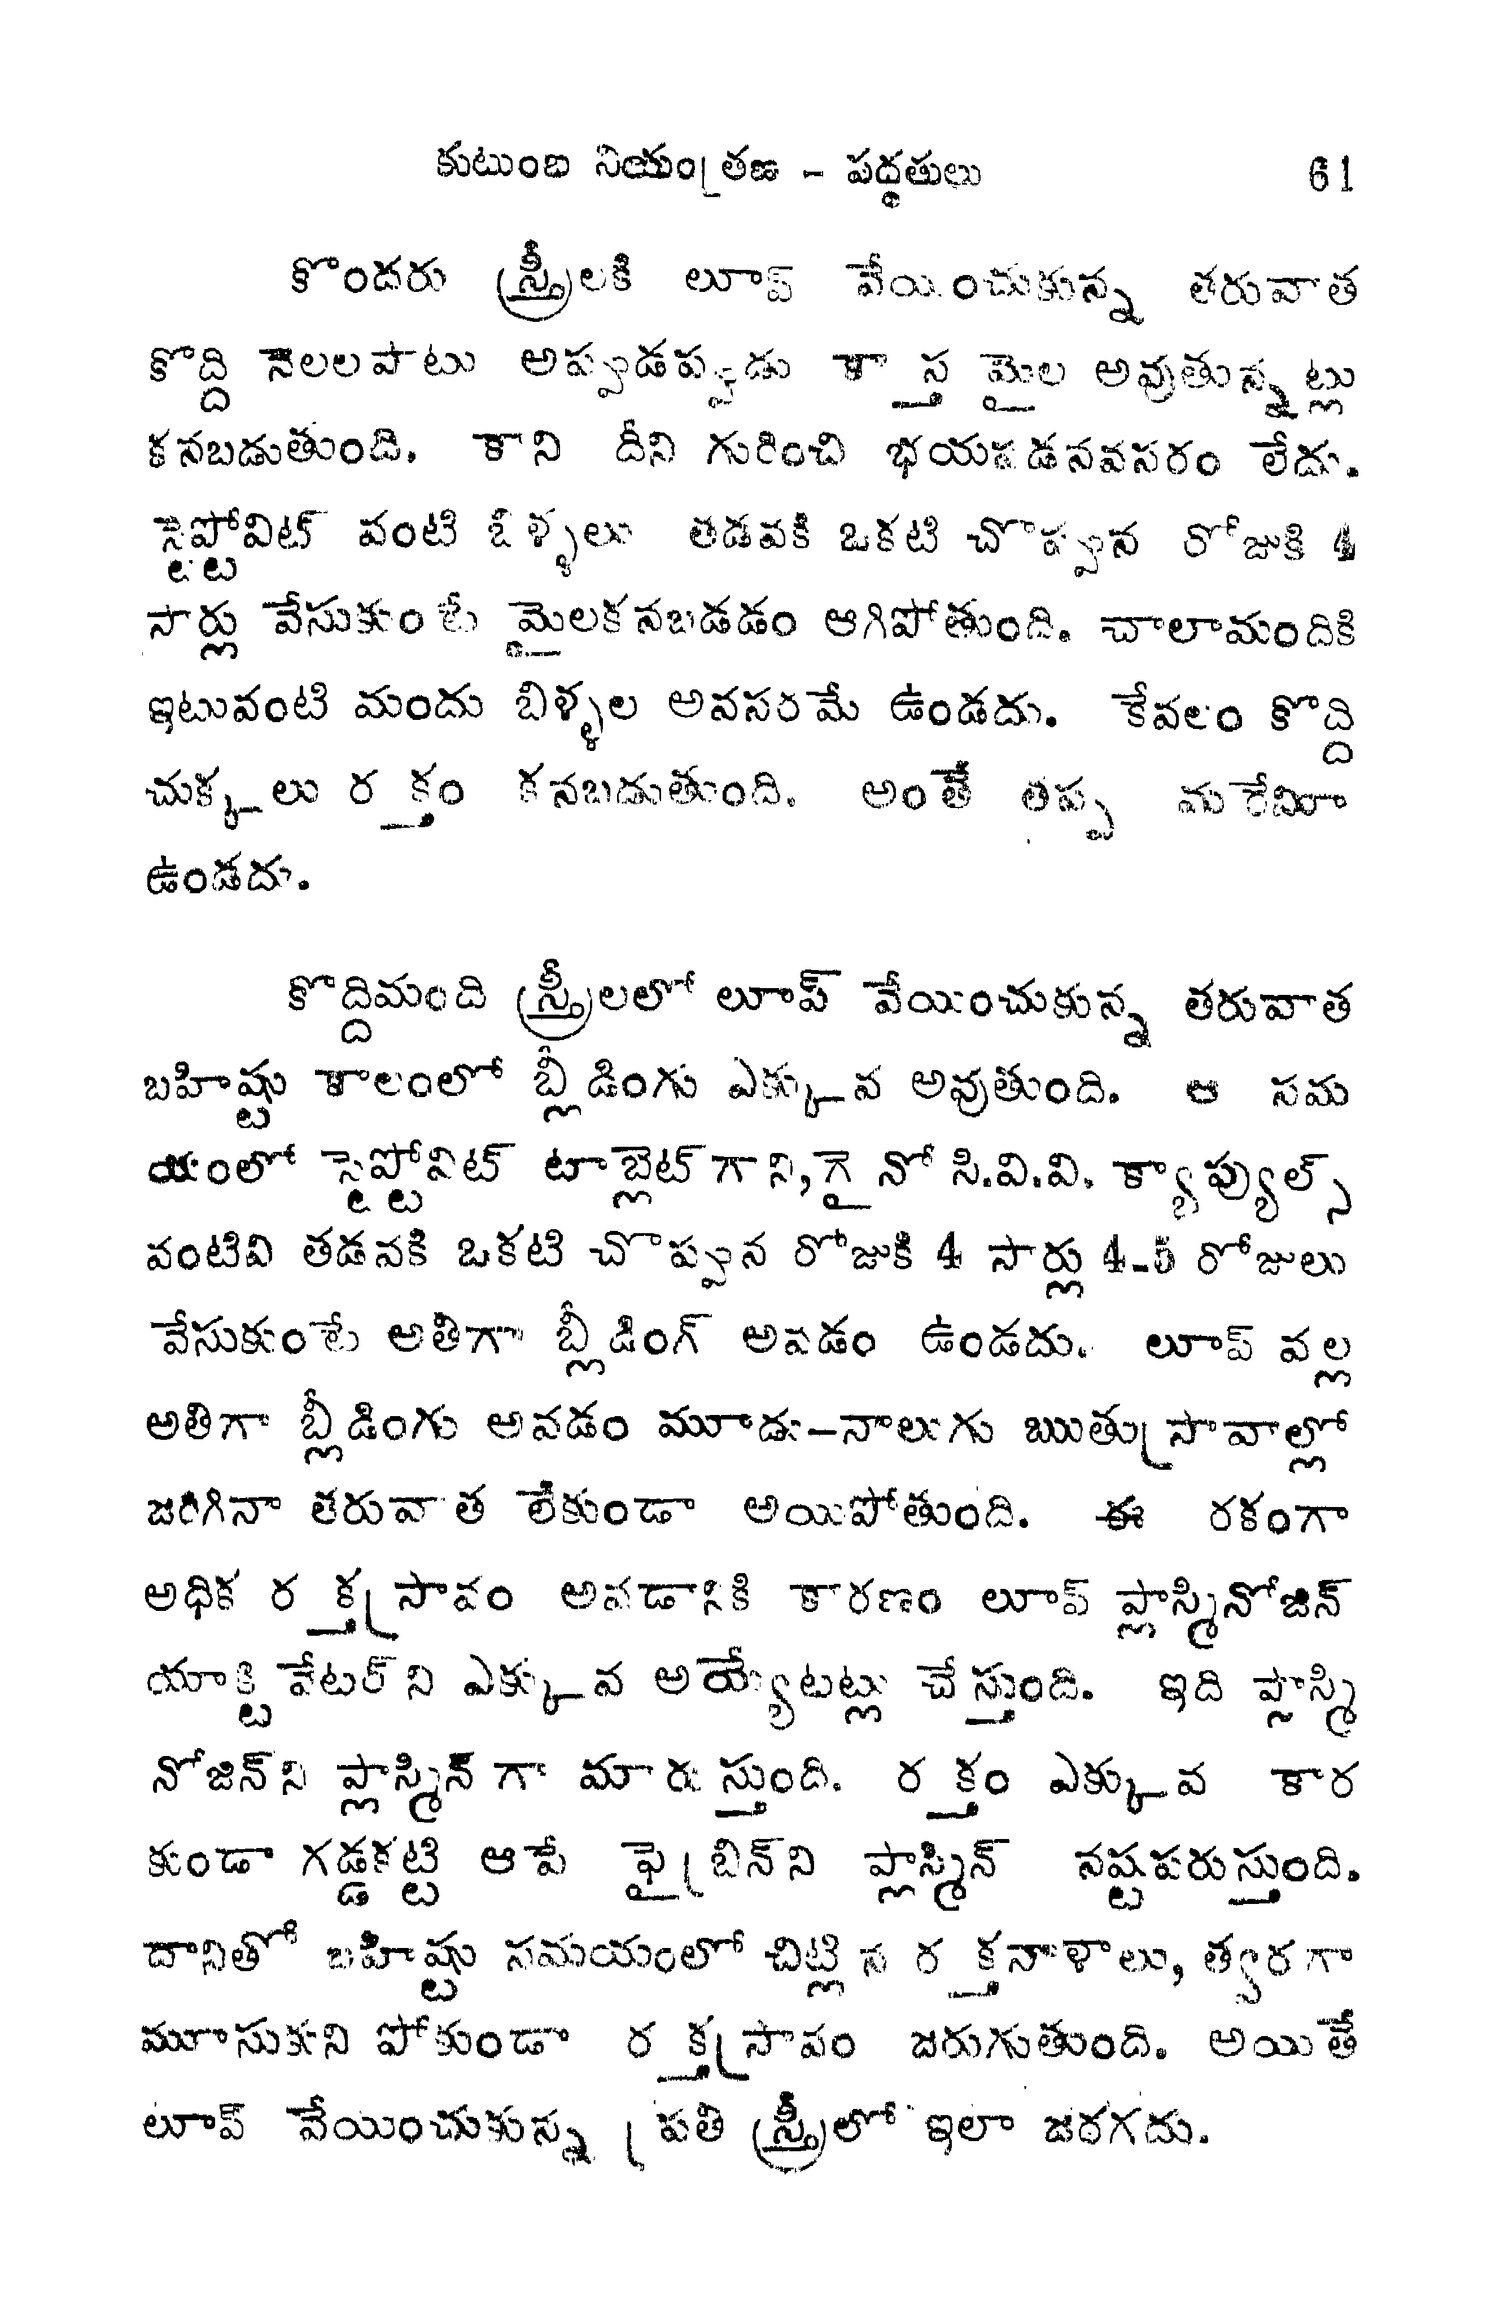కొందరు స్తీలకి లూప్ వేయించుకున్న తరువాత కిద్ది నెలలపాటు అప్పుడప్పుడు కాస్త మైల అవుతున్నట్లు కనబడుతుంది. కాని దీని గురించి భయపడనవసరం లేదు. స్టెప్టోవిట్ వంటి బిళ్ళలు తడవకి ఒకటి చొప్పున రోజుకి 4 సార్లు వేసుకుంటే మైలకనబడడం ఆగిపోతుంది. చాలామందికి ఇటువంటి మందు బిళ్ళల అవసరమే ఉండదు. కేవలంకొద్ది చుక్కలు రక్తం కనబడుతుంది. అంతే తప్ప మరేమీ ఉండదు.

కొద్దిమంది స్త్రీలలో లూప్ వేయించుకున్న తరువాత బహిష్టు కాలంలో బ్లీడింగు ఎక్కువ అవుతుంది. ఆ సమయంలో స్టెప్టోవిట్ టాబ్లెట్ గాని, గైనో సి.వి.వి క్యాప్సుల్స్ వంటివి తడవకి ఒకటి చొప్పున రోజుకి 4 సార్లు 4-5 రోజులు వేసుకుంటే అతిగా బ్లీడింగ్ అవడం ఉండదు. లూప్ వల్ల అతిగా బ్లీడింగు అవడం మూడు-నాలుగు ఋతుస్రావాల్లో జరిగినా తరువాత లేకుండా అయిపోతుంది. ఈ రకంగా అధిక రక్తస్రావం అవడానికి కారణం లూప్ ప్లాస్మినోజిన్ యాక్టి వేటర్ ని ఎక్కువ అయ్యేటట్లు చేస్తుంది. ఇద్ ప్లాస్మినోజిన్‌ని ప్లాస్మిన్ గా మారుస్తుంది. రక్తం ఎక్కువ కారకుండా గడ్డకట్టి ఆపే ఫైబ్రిన్‌ని ప్లాస్మిన్ నష్టపరుస్తుంది. దానితొ బహిష్టు సమయంలో చిట్లిన రక్తనాళాలు, త్వరగా మూసుకుని పోకుండా రక్తస్రావం జరుగుతుంది. అయితే లూప్ వేయించుకున్న ప్రతి స్త్రీలో ఇలా జరగదు.